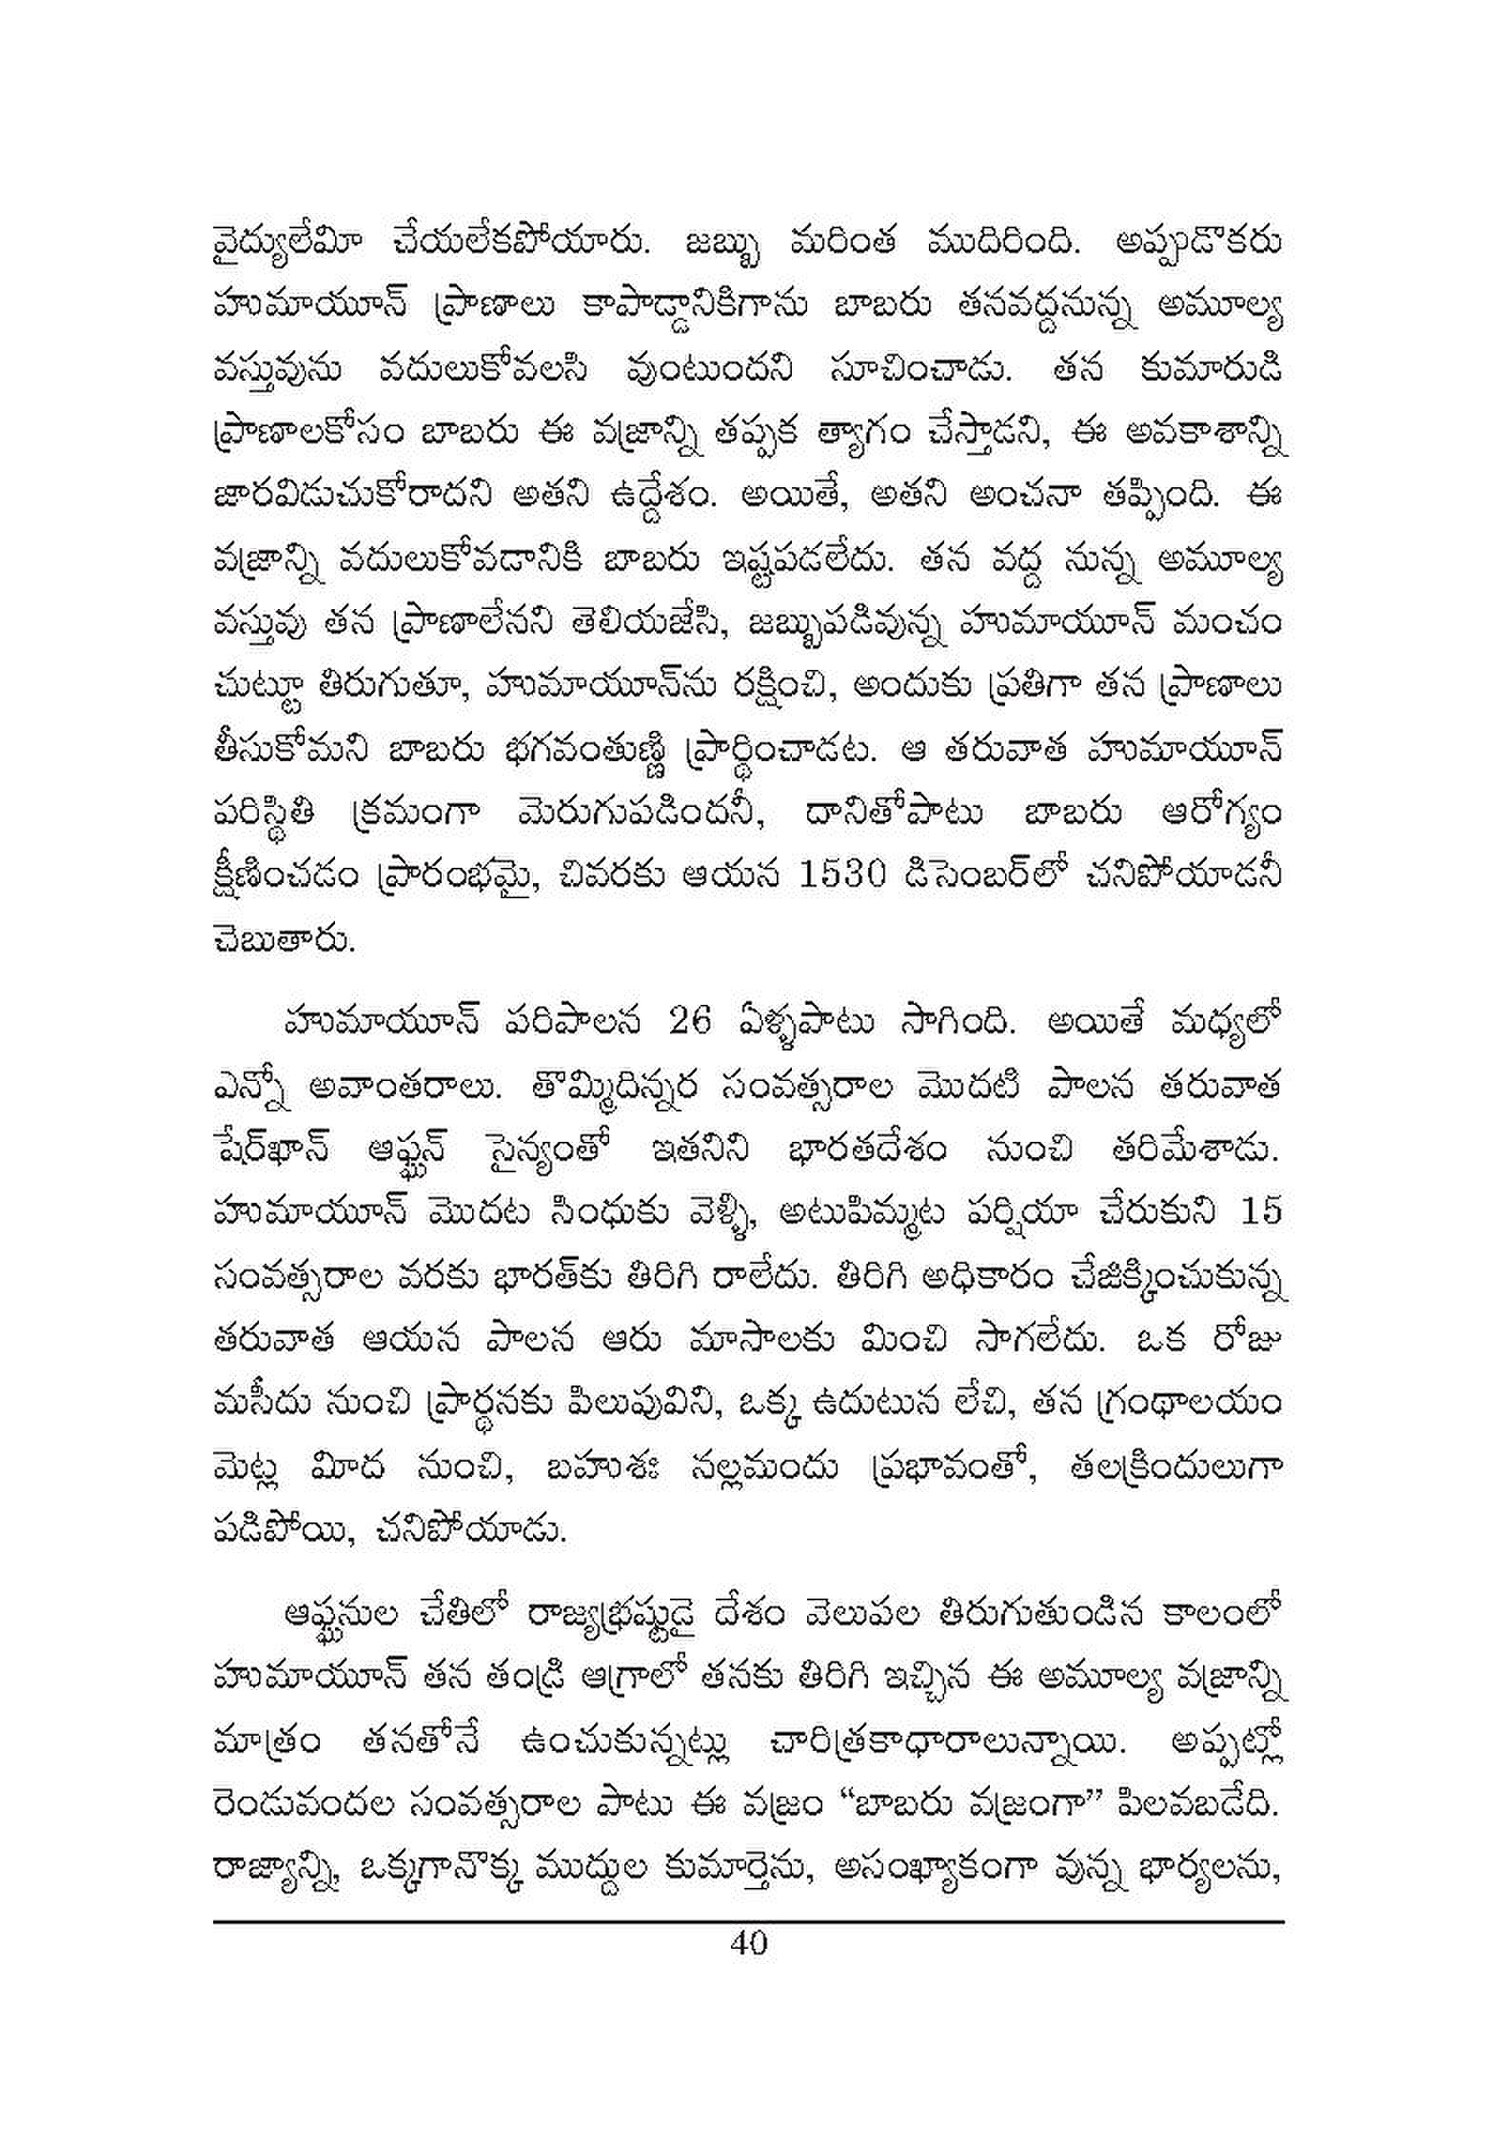వైద్యులేమి చేయలేకపోయారు. జబ్బు మరింత ముదిరింది. అప్పడొకరు హుమాయూన్ ప్రాణాలు కాపాడ్డానికిగాను బాబరు తనవద్దనున్న అమూల్య వస్తువును వదులుకోవలసి వుంటుందని సూచించాడు. తన కుమారుడి ప్రాణాలకోసం బాబరు ఈ వజ్రాన్ని తప్పక త్యాగం చేస్తాడని, ఈ అవకాశాన్ని జారవిడుచుకోరాదని అతని ఉద్దేశం. అయితే, అతని అంచనా తప్పింది. ఈ వజ్రాన్ని వదులుకోవడానికి బాబరు ఇష్టపడలేదు. తన వద్ద నున్న అమూల్య వస్తువు తన ప్రాణాలేనని తెలియజేసి, జబ్బుపడివున్న హుమాయూన్ మంచం చుట్టూ తిరుగుతూ, హుమాయూన్ను రక్షించి, అందుకు ప్రతిగా తన ప్రాణాలు తీసుకోమని బాబరు భగవంతుణ్ణి ప్రార్ధించాడట. ఆ తరువాత హుమాయూన్ పరిస్థితి క్రమంగా మెరుగుపడిందనీ, దానితోపాటు బాబరు ఆరోగ్యం క్షీణించడం ప్రారంభమై, చివరకు ఆయన 1530 డిసెంబర్లో చనిపోయాడనీ చెబుతారు.

హుమాయూన్ పరిపాలన 26 ఏళ్ళపాటు సాగింది. అయితే మధ్యలో ఎన్నో అవాంతరాలు. తొమ్మిదిన్నర సంవత్సరాల మొదటి పాలన తరువాత షేర్ఖాన్ ఆఫ్ఘన్ సైన్యంతో ఇతనిని భారతదేశం నుంచి తరిమేశాడు. హుమాయూన్ మొదట సింధుకు వెళ్ళి, అటుపిమ్మట పర్షియా చేరుకుని 15 సంవత్సరాల వరకు భారత్కు తిరిగి రాలేదు. తిరిగి అధికారం చేజిక్కించుకున్న తరువాత ఆయన పాలన ఆరు మాసాలకు మించి సాగలేదు. ఒక రోజు మసీదు నుంచి ప్రార్థనకు పిలుపువిని, ఒక్క ఉదుటున లేచి, తన గ్రంథాలయం మెట్ల విూద నుంచి, బహుశః నల్లమందు ప్రభావంతో, తలక్రిందులుగా పడిపోయి, చనిపోయాడు.

ఆఫ్ఘనుల చేతిలో రాజ్యభ్రష్టుడై దేశం వెలుపల తిరుగుతుండిన కాలంలో హుమాయూన్ తన తండ్రి ఆగ్రాలో తనకు తిరిగి ఇచ్చిన ఈ అమూల్య వజ్రాన్ని మాత్రం తనతోనే ఉంచుకున్నట్లు చారిత్రకాధారాలున్నాయి. అప్పట్లో రెండువందల సంవత్సరాల పాటు ఈ వజ్రం "బాబరు వజ్రంగా" పిలవబడేది. రాజ్యాన్ని ఒక్కగానొక్క ముద్దుల కుమార్తెను, అసంఖ్యాకంగా వున్న భార్యలను,